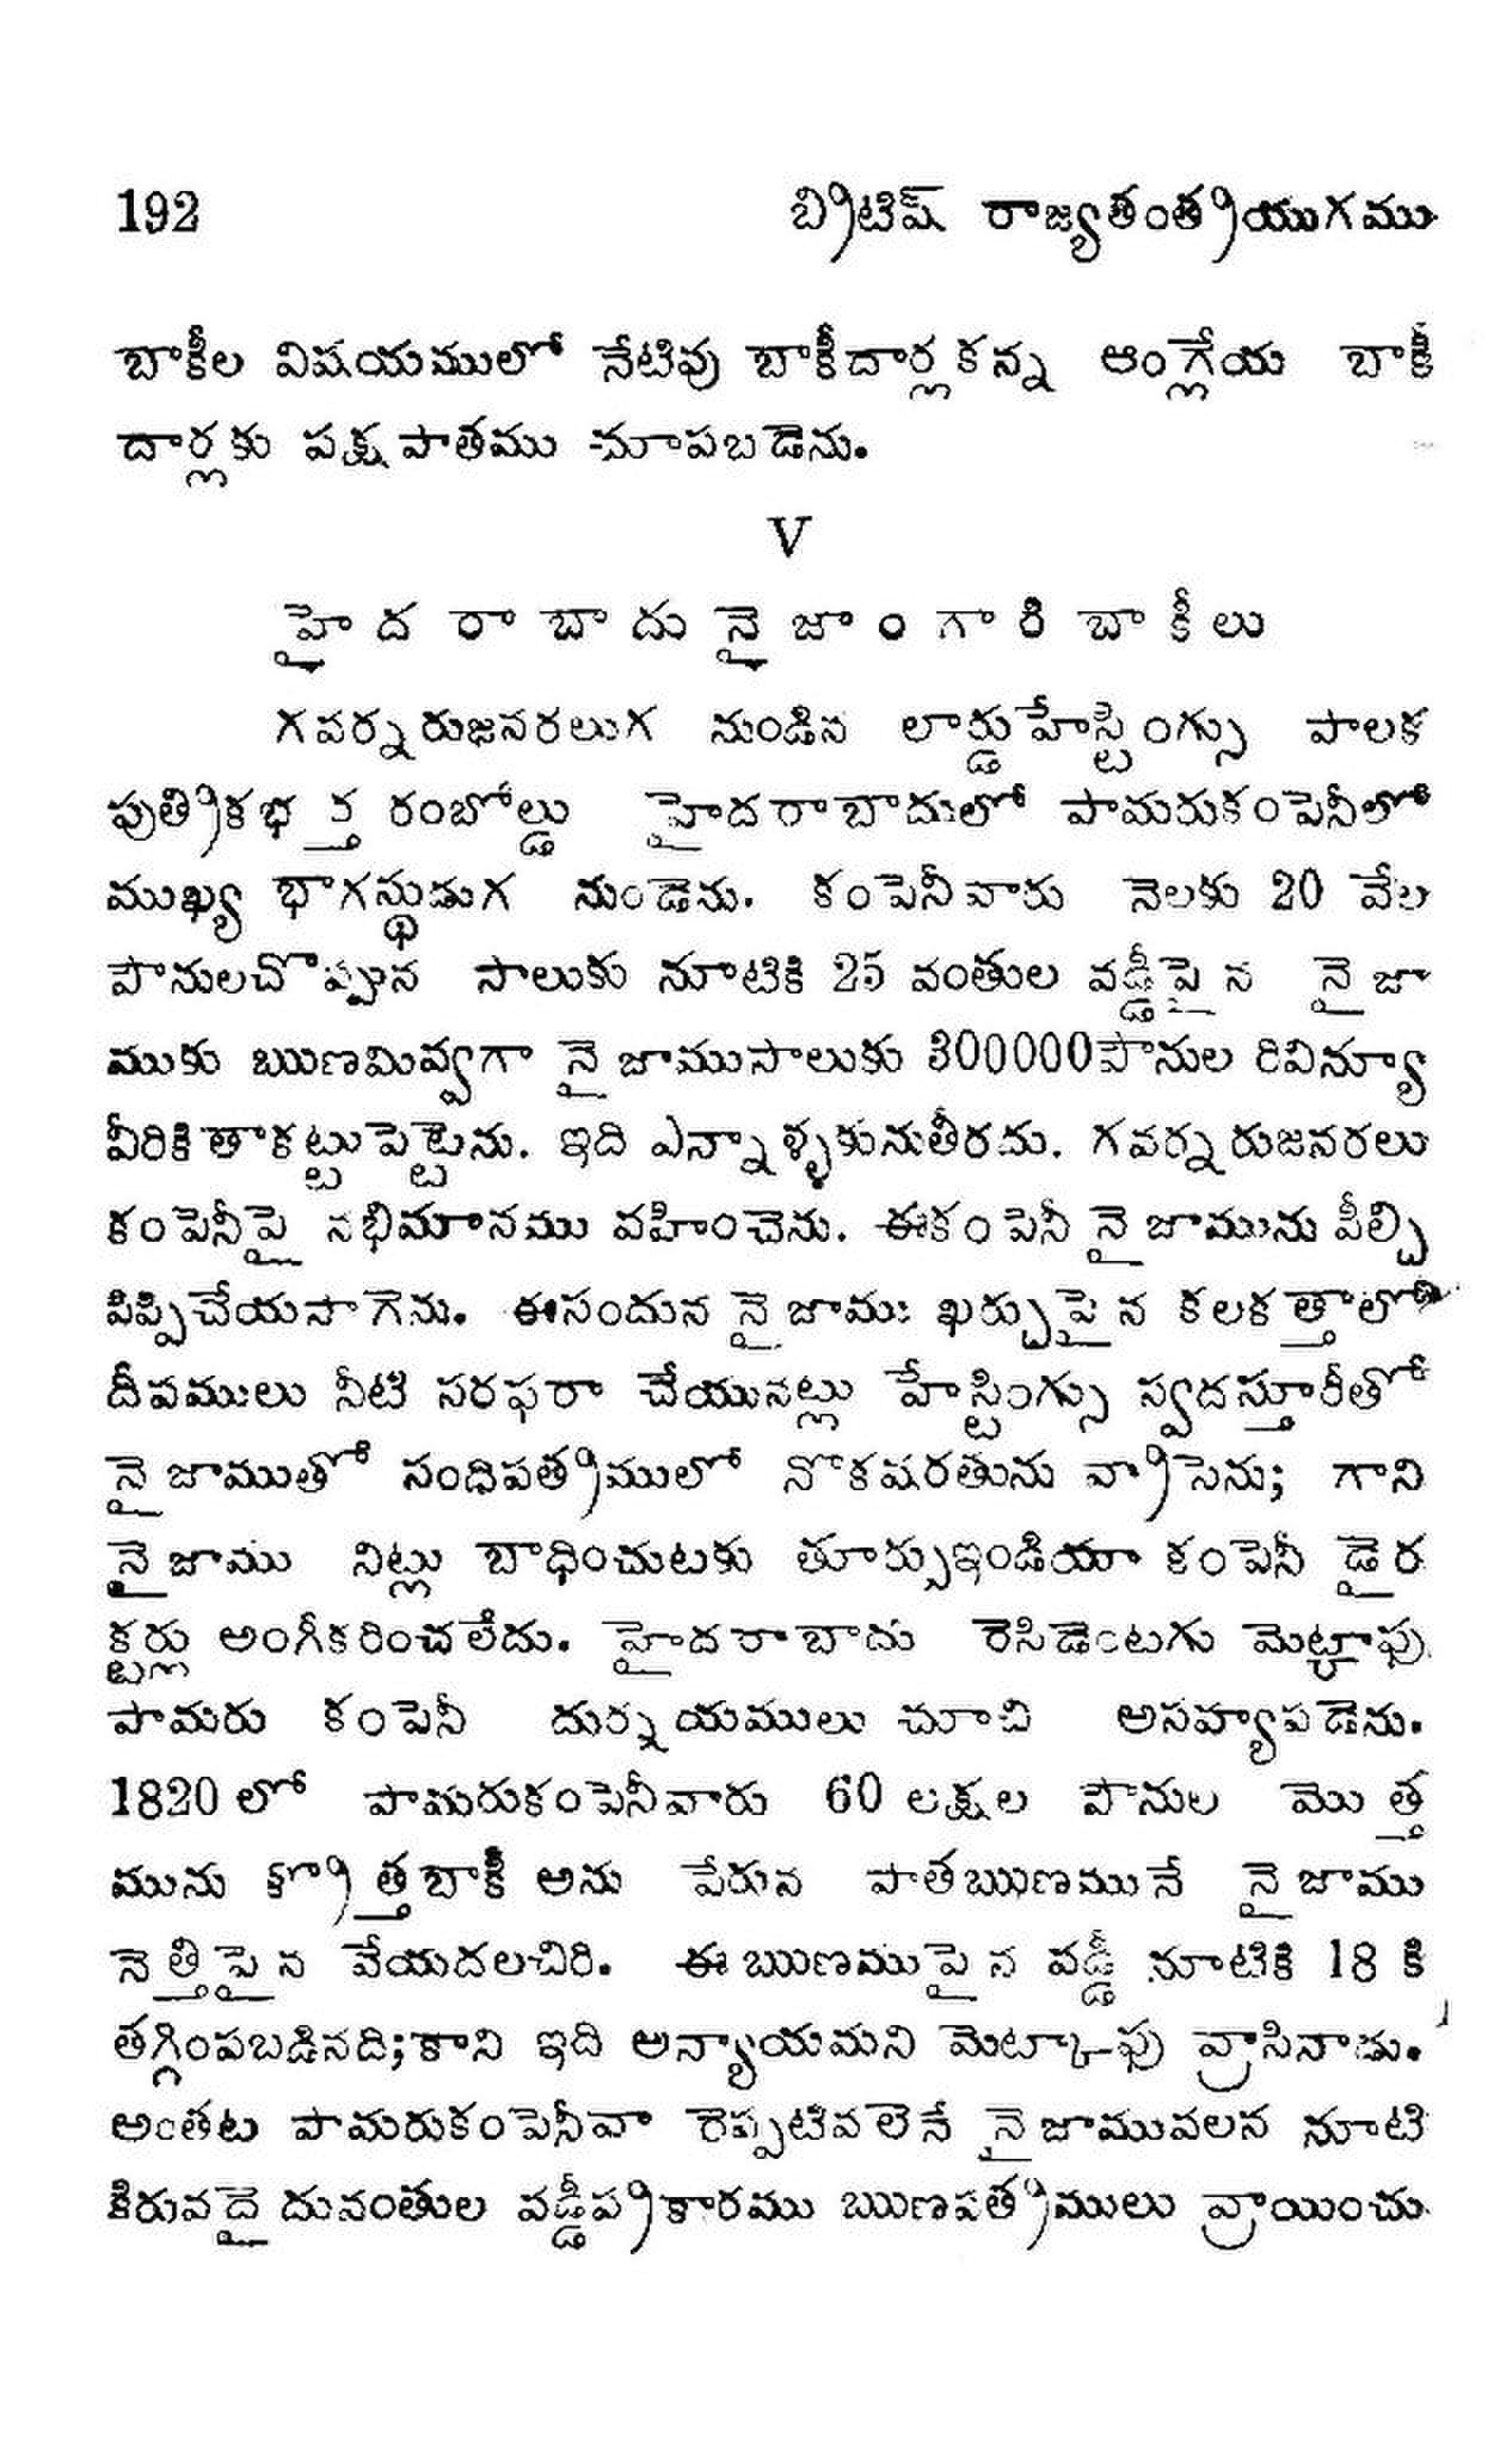బాకీల విషయములో నేటివు బాకీదార్లకన్న ఆంగ్లేయ బాకీదార్లకు పక్షపాతము చూపబడెను.

V 
హైదరాబాదు నైజాంగారి బాకీలు

గవర్నరుజనరలుగ నుండిన లార్డుహేస్టింగ్సు పాలకపుత్రికభర్త రంబోల్డు హైదరాబాదులో పామరుకంపెనీలో ముఖ్య భాగస్థుడుగ నుండెను. కంపెనీవారు నెలకు 20 వేల పౌనులచొప్పున సాలుకు నూటికి 25 వంతుల వడ్డీపైన నైజాముకు ఋణమివ్వగా నైజాముసాలుకు 300000 పౌనుల రివిన్యూ వీరికితాకట్టుపెట్టెను. ఇది ఎన్నాళ్ళకునుతీరదు. గవర్నరుజనరలు కంపెనీపై నభిమానము వహించెను. ఈకంపెనీ నైజామును పీల్చి పిప్పిచేయసాగెను. ఈసందున నైజాము ఖర్చుపై న కలకత్తాలో దీపములు నీటి సరఫరా చేయునట్లు హేస్టింగ్సు స్వదస్తూరీతో నైజాముతో సంధిపత్రములో నొకషరతును వ్రాసెను; గాని నైజాము నిట్లు బాధించుటకు తూర్పుఇండియా కంపెనీ డైరక్టర్లు అంగీకరించలేదు. హైదరాబాదు రెసిడెంటగు మెట్కాపు పామరు కంపెనీ దుర్నయములు చూచి అసహ్యపడెను. 1820 లో పామరుకంపెనీవారు 60 లక్షల పౌనుల మొత్తమును క్రొత్తబాకీ అను పేరున పాతఋణమునే నైజాము నెత్తిపైన వేయదలచిరి. ఈ ఋణముపైన వడ్డీ నూటికి 18 కి తగ్గింపబడినది; కాని ఇది అన్యాయమని మెట్కాఫు వ్రాసినాడు. అంతట పామరుకంపెనీవా రెప్పటివలెనే నైజామువలన నూటి కిరువదైదువంతుల పడ్డీప్రకారము ఋణపత్రములు వ్రాయించు.